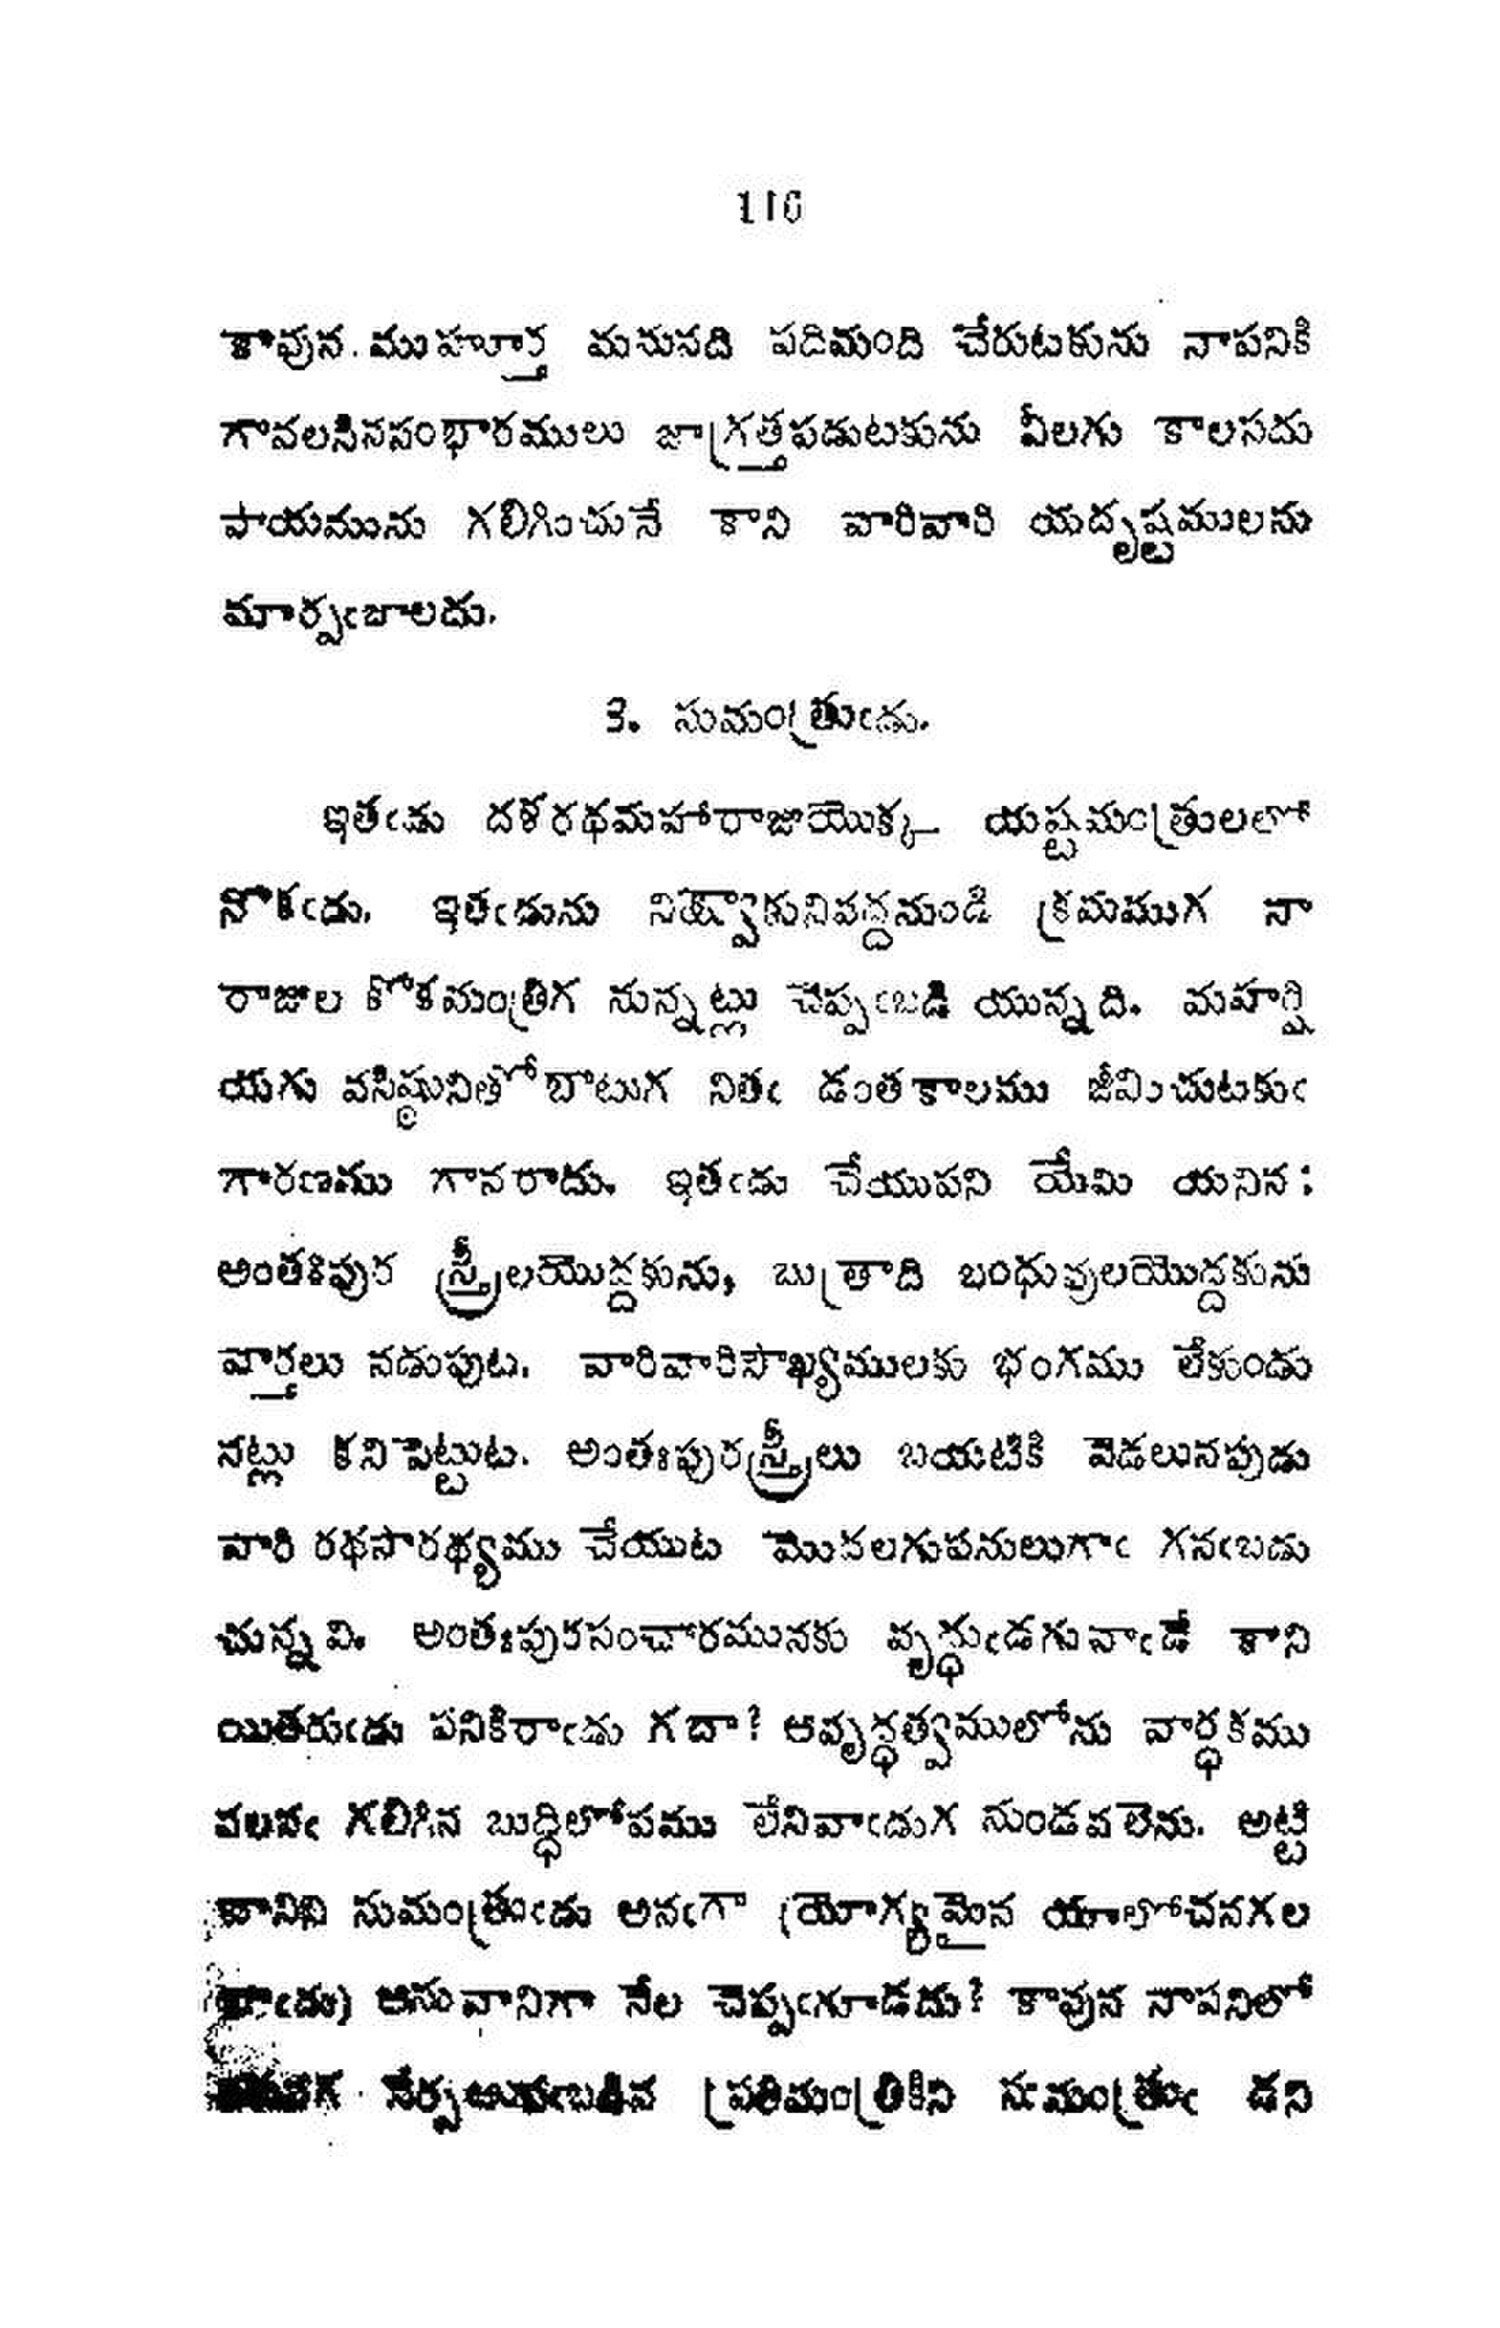కావున ముహూర్త మనునది పదిమంది చేరుటకును నాపనికి గావలసిససంభారములు జాగ్రత్త పడుటకును వీలగు కాలసదు పాయమును గలిగించునే కాని వారివారి యదృష్టములను
మార్పఁజాలదు.

ఇతఁడు దశరథమహారాజుయొక్క యష్టమంత్రులలో నొకఁడు. ఇతఁడును నిక్ష్వాకునివద్దనుండి క్రమముగ నా రాజుల కొకమంత్రిగ నున్నట్లు చెప్పఁబడి యున్నది. మహర్షి యగు వసిష్ఠునితో బాటుగ నితఁ డంతకాలము జీవించుటకుఁ గారణము గానరాదు. ఇతఁడు చేయుపని యేమి యనిన :
అంతఃపుర స్త్రీలయొద్దకును, బుత్రాది బంధువులయొద్దకును వార్తలు నడుపుట. వారివారి సౌఖ్యములకు భంగము లేకుండునట్లు కనిపెట్టుట. అంతఃపురస్త్రీలు బయటికి వెడలునపుడు వారి రథసారథ్యము చేయుట మొదలగుపనులుగాఁ గనఁబడుచున్న వి. అంతఃపురసంచారమునకు వృద్ధుఁడగువాఁడే కాని యితరుఁడు పనికిరాఁడు గదా? ఆవృధ్ధత్వములోను వార్ధకము వలనఁ గలిగిన బుద్ధిలోపము లేనివాఁడుగ నుండవలెను. అట్టివానిని సుమంత్రుఁడు అనఁగా (యోగ్యమైన యాలోచనగల వాఁడు) అనువానిగా నేల చెప్పఁగూడదు ? కావున నాపనిలో నేర్పఱుపఁబడిన ప్రతిమంత్రికిని సుమంత్రుఁ డని